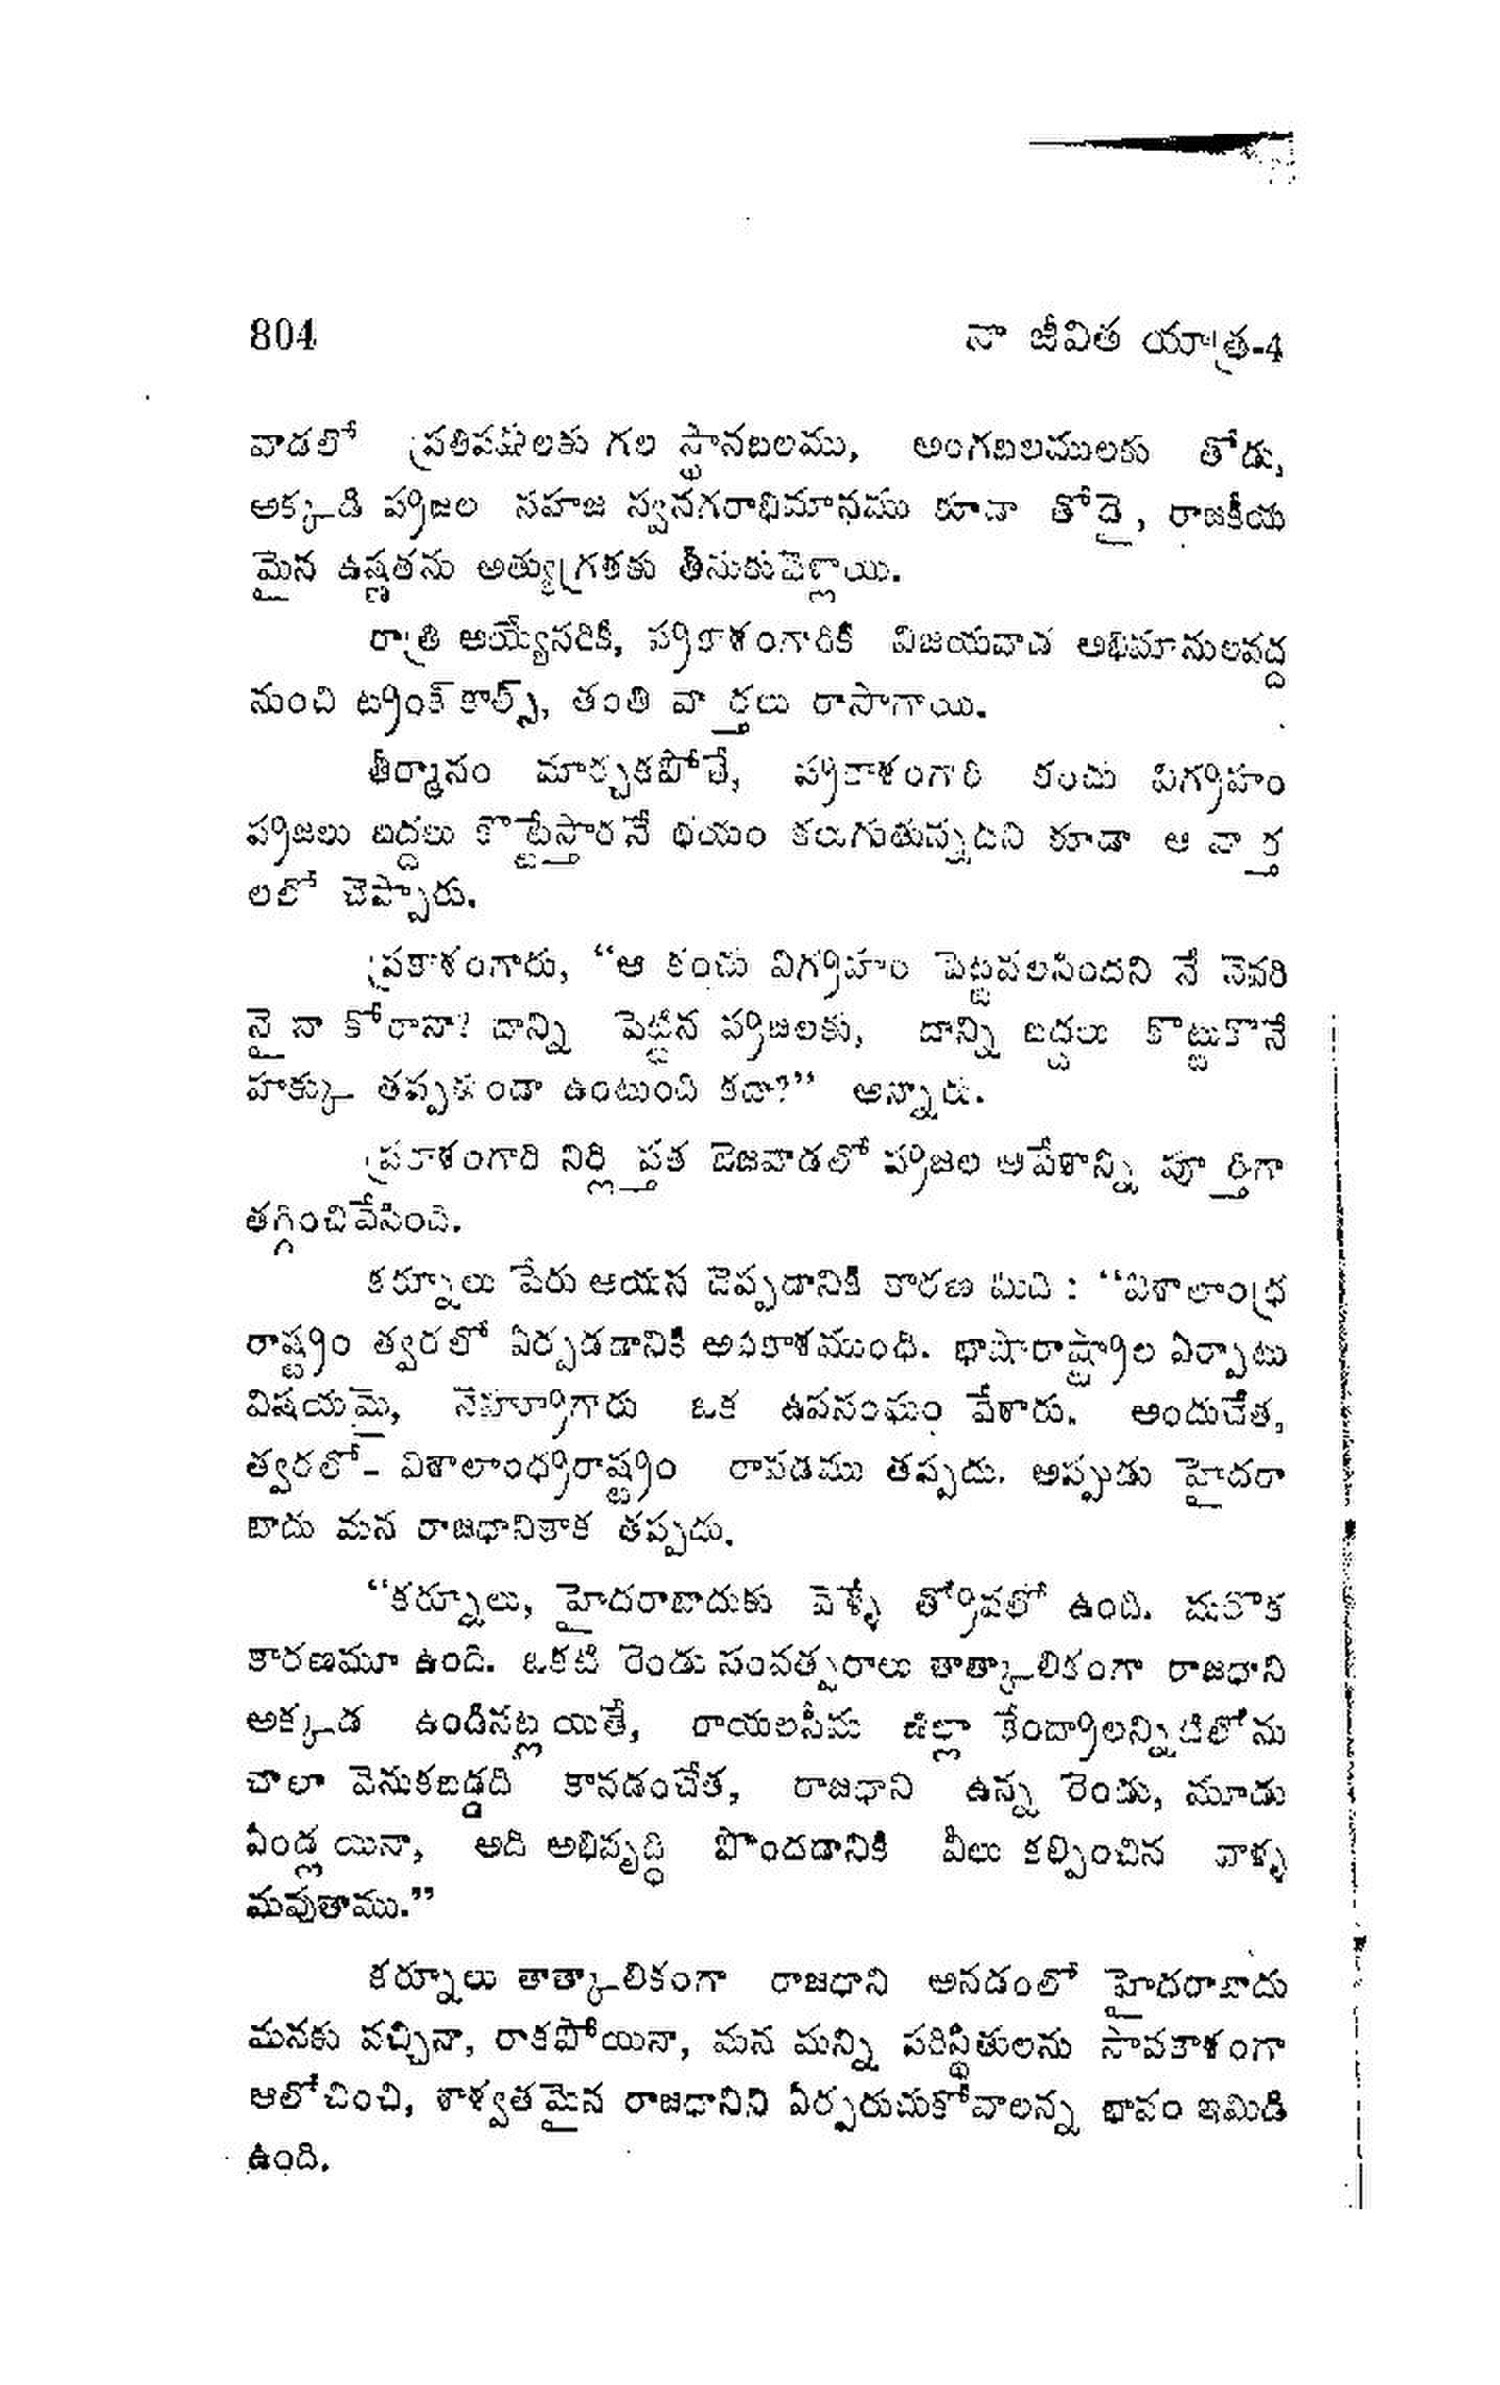వాడలో ప్రతిపక్షులకు గల స్థానబలము, అంగబలములకు తోడు, అక్కడి ప్రజల సహజ స్వనగరాభిమానము కూడా తోడై, రాజకీయమైన ఉష్ణతను అత్యుగ్రతకు తీసుకువెళ్లాయి.

రాత్రి అయ్యేసరికి, ప్రకాశంగారికి విజయవాడ అభిమానులవద్దనుంచి ట్రంక్‌కాల్స్, తంతి వార్తలు రాసాగాయి.

తీర్మానం మార్చకపోతే, ప్రకాశంగారి కంచు విగ్రహం ప్రజలు బద్దలు కొట్టేస్తారనే భయం కలుగుతున్నదని కూడా ఆ వార్తలలో చెప్పారు.

ప్రకాశంగారు, "ఆ కంచు విగ్రహం పెట్టవలసిందని నే నెవరి నైనా కోరానా? దాన్ని పెట్టిన ప్రజలకు, దాన్ని బద్దలు కొట్టుకొనే హక్కు తప్పకుండా ఉంటుంది కదా?" అన్నాడు.

ప్రకాశంగారి నిర్లిప్తత బెజవాడలో ప్రజల ఆవేశాన్ని పూర్తిగా తగ్గించివేసింది.

కర్నూలు పేరు ఆయన చెప్పడానికి కారణ మిది: "విశాలాంధ్ర రాష్త్రం త్వరలో ఏర్పడడానికి అవకాశముంది. భాషారాష్ట్రాల ఏర్పాటు విషయమై, నెహ్రూగారు ఒక ఉపసంఘం వేశారు. అందుచేత, త్వరలో - విశాలాంధ్రరాష్ట్రం రావడము తప్పదు. అప్పుడు హైదరాబాదు మన రాజధానికాక తప్పదు.

"కర్నూలు, హైదరాబాదుకు వెళ్ళే త్రోవలో ఉంది. మరొక కారణమూ ఉంది. ఒకటి రెండు సంవత్సరాలు తాత్కాలికంగా రాజధాని అక్కడ ఉండినట్లయితే, రాయలసీమ జిల్లా కేంద్రాలన్నిటిలోను చాలా వెనకబడ్డది కావడంచేత, రాజధాని ఉన్న రెండు, మూడు ఏండ్లయినా, అది అభివృద్ధి పొందడానికి వీలు కల్పించిన వాళ్ళ మవుతాము."

కర్నూలు తాత్కాలికంగా రాజధాని అనడంలో హైదరాబాదు మనకు వచ్చినా, రాకపోయినా, మన మన్ని పరిస్థితులను సావకాశంగా ఆలోచించి, శాశ్వతమైన రాజధానిని ఏర్పరచుకోవాలన్న భావం ఇమిడి ఉంది.